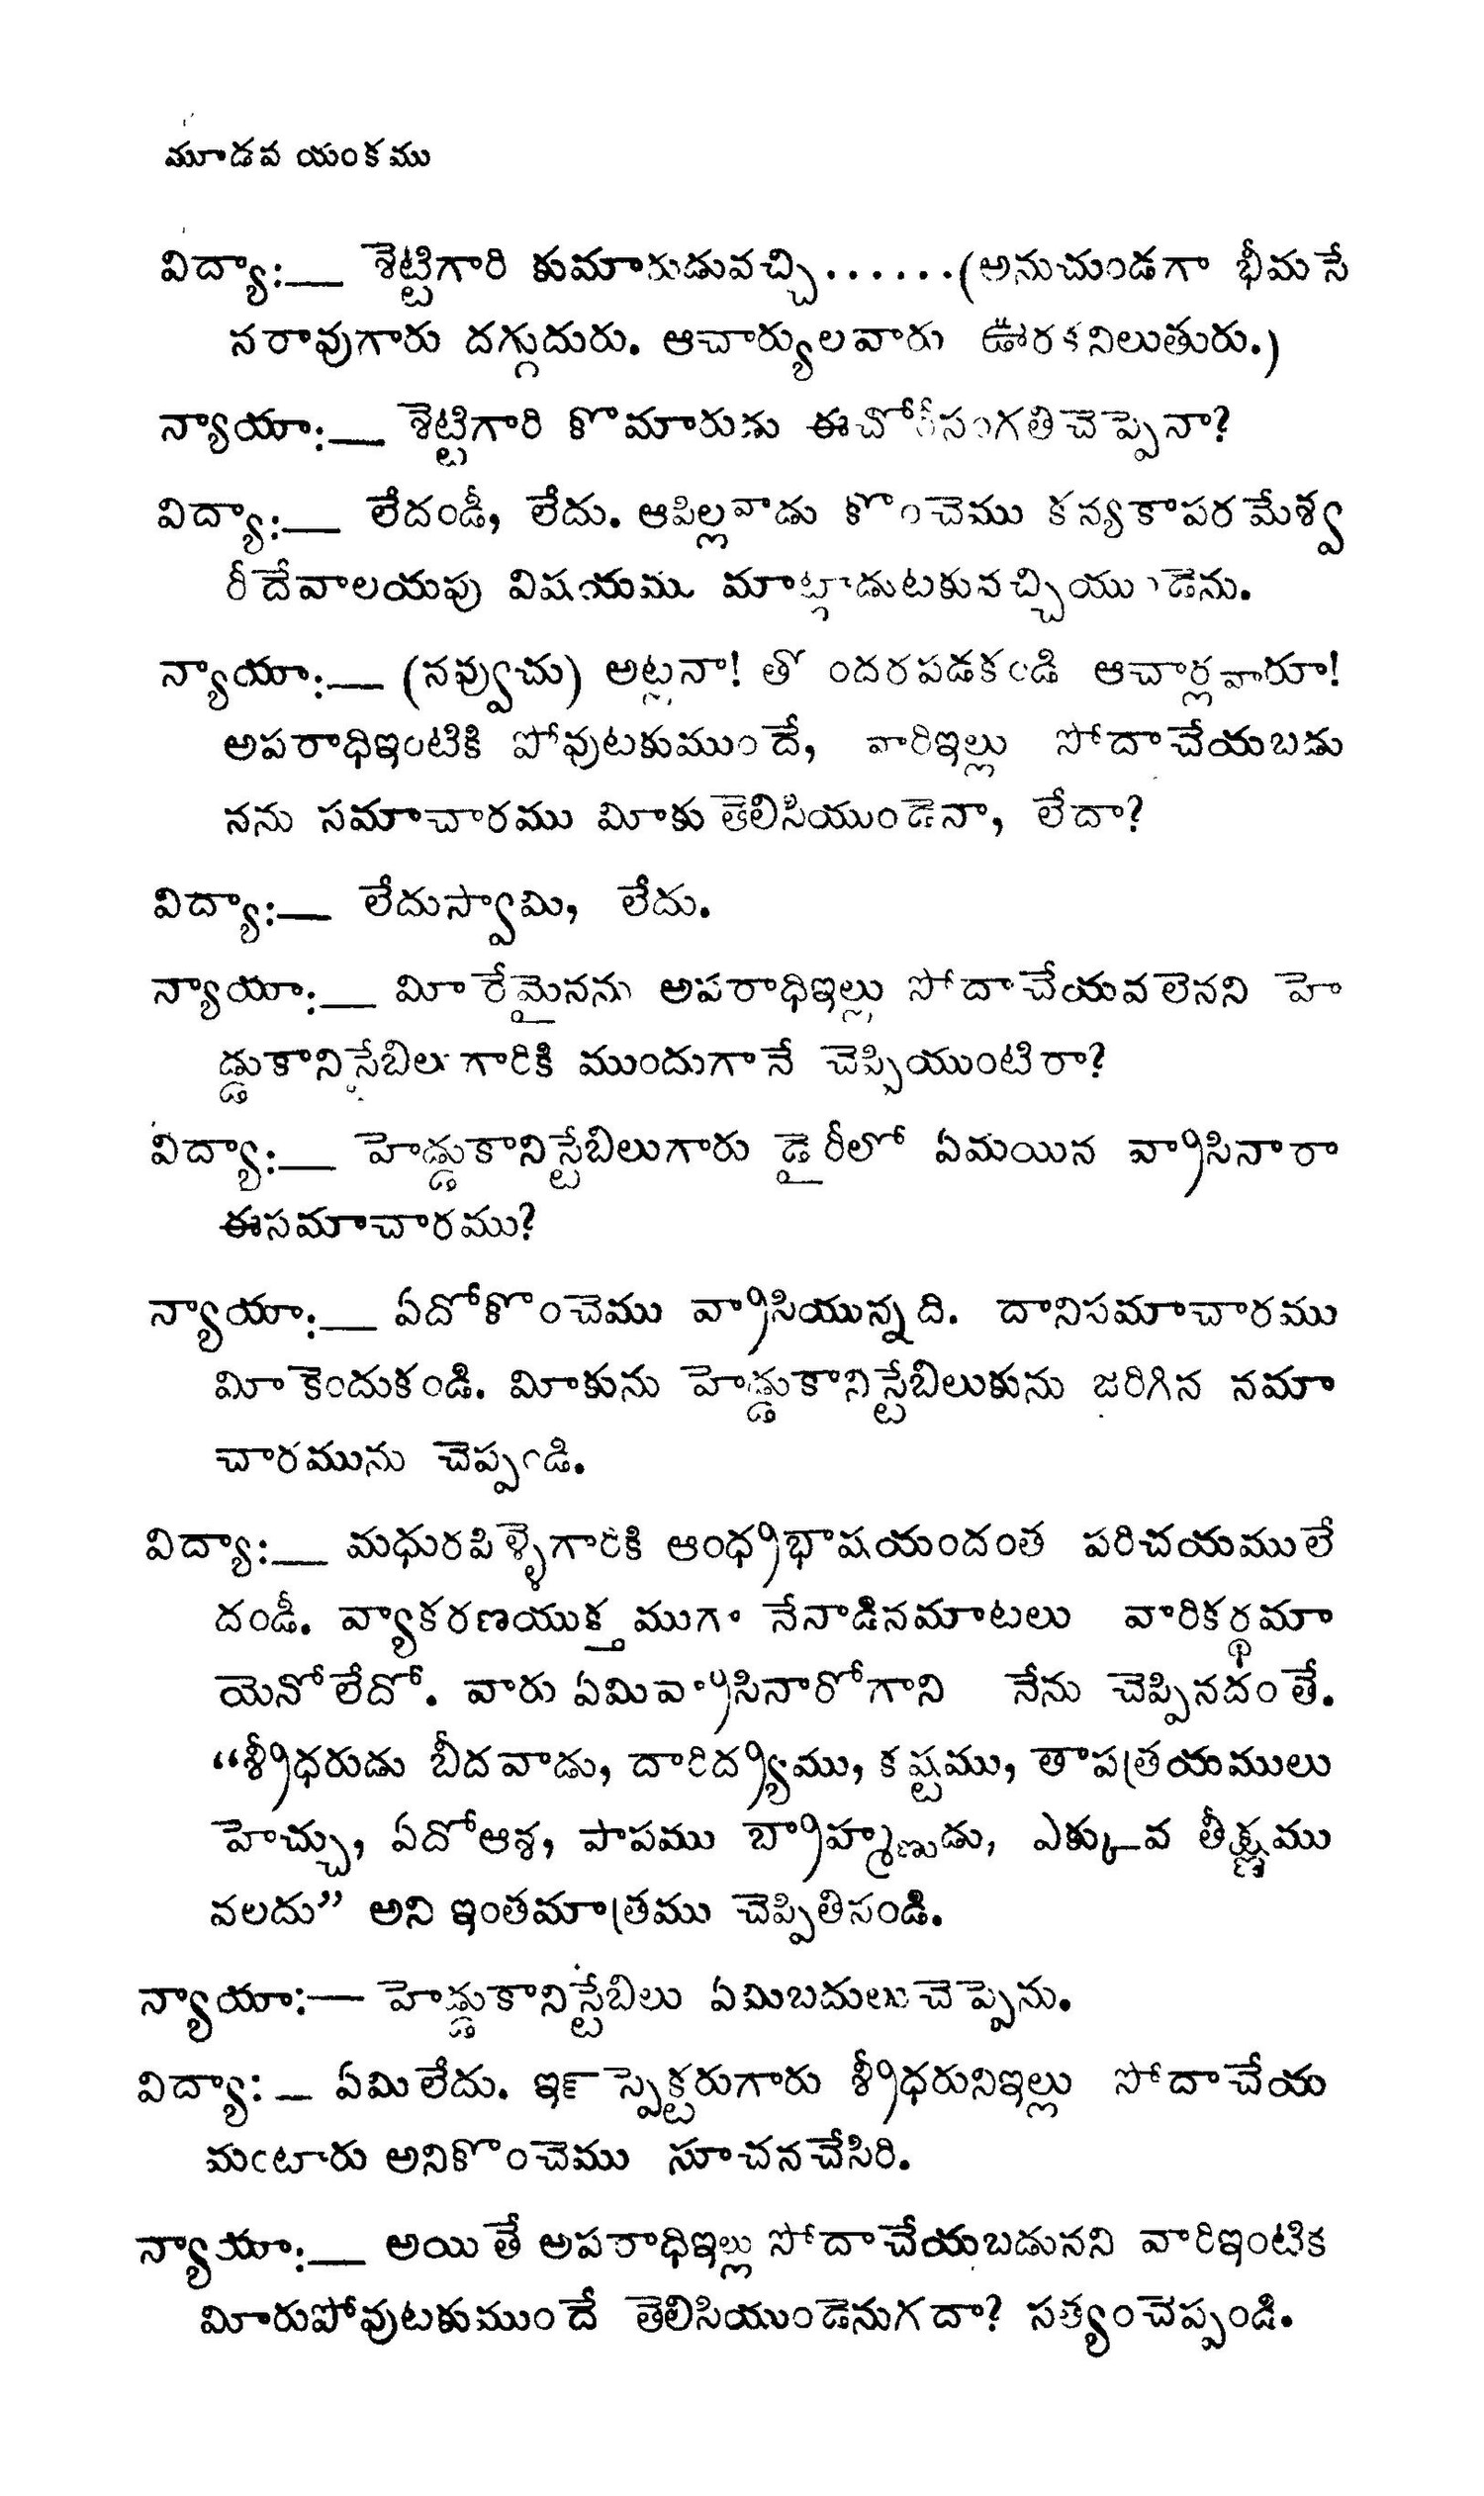విద్యా:--శెట్టిగారి కుమారుడువచ్చి..... (అనుచుండగా భీమసేనరావుగారు దగ్గుదురు. ఆచార్యులవారు ఊరక నిలుతురు)

న్యాయా:--శెట్తిగారి కొమారుడు ఈ చోరీసంగతిచెప్పెనా?

విద్యా:--లేదండీ, లేదు. ఆపిల్లవాడి కొంచెము కన్యకాపరమేశ్వరీ దేవాలయపువిషయము మాట్లాడుటకు వచ్చియుండెను.

న్యాయా:--(నవ్వుచు) అట్లనా! తొందరపడకండి ఆచార్లవారూ!అపరాది ఇంటికి పోవుటకుముందే, వారి ఇల్లు సొదాచేయుబడునను సమాచారము మీకు తెలిసియుండేనా,లేదా?

విద్యా:--లేదుస్వామి, లేదు.

న్యాయా:--మీరేమైననూ అపరాధీల్లుసొదా చేయవలెమమొ హెడ్డుకానిస్టేబిల గారికిముందుగానే చెప్పియుంటిరా?

విద్యా:--హెడ్డుకానిస్టేబులుగారు డైరీలో ఏమయిన వ్రాసినారా ఈసమాచారము?

న్యాయా:--ఏదోకొంచెము వ్రారాసియున్నది. దానిసమాచారము మీకెందుకండి. మీకును హెడ్డుకానిస్టేబిలుకును జరిగిన సమాచారము చెప్పండి.

విద్యా:--మధుపిళ్ళేగారికి ఆంధ్రభాషయందంత పరిచయములేదండి. వ్యాకరణయుక్తముగా నేనాడినమాటలు వారికర్ధమాయెనోలేదో, వారు ఏమివ్రాసినారోగాని నేను చెప్పినదంతే, "శ్రీధరుడు బీదవాడు. దారిద్ర్యము, కష్టము, తాపత్రయములు హెచ్చు, ఏదోఆశ, పాపము బ్రాహ్మణుడు. ఎక్కువతీక్షణము వలదు"అని ఇంతమాత్రము చెప్పితినండి.

న్యాయా;--హెడ్డుకానిస్టేబిలు ఏమిబదులు చెప్పెను.

విద్యా;--ఏమెలేదు. ఇన్ స్పెక్టరుగారు శ్రీధరుని ఇల్లు సోదాచేయమంటారు అనికొంచెము చూచనసేసిరి.

న్యాయా;--అయితే అపరాది ఇల్లుసొదాచేయబడునని వారి ఇంటికి మీరు పొవుటకు ముందే తెలిసియుండెను గదా? సత్యం చెప్పండి